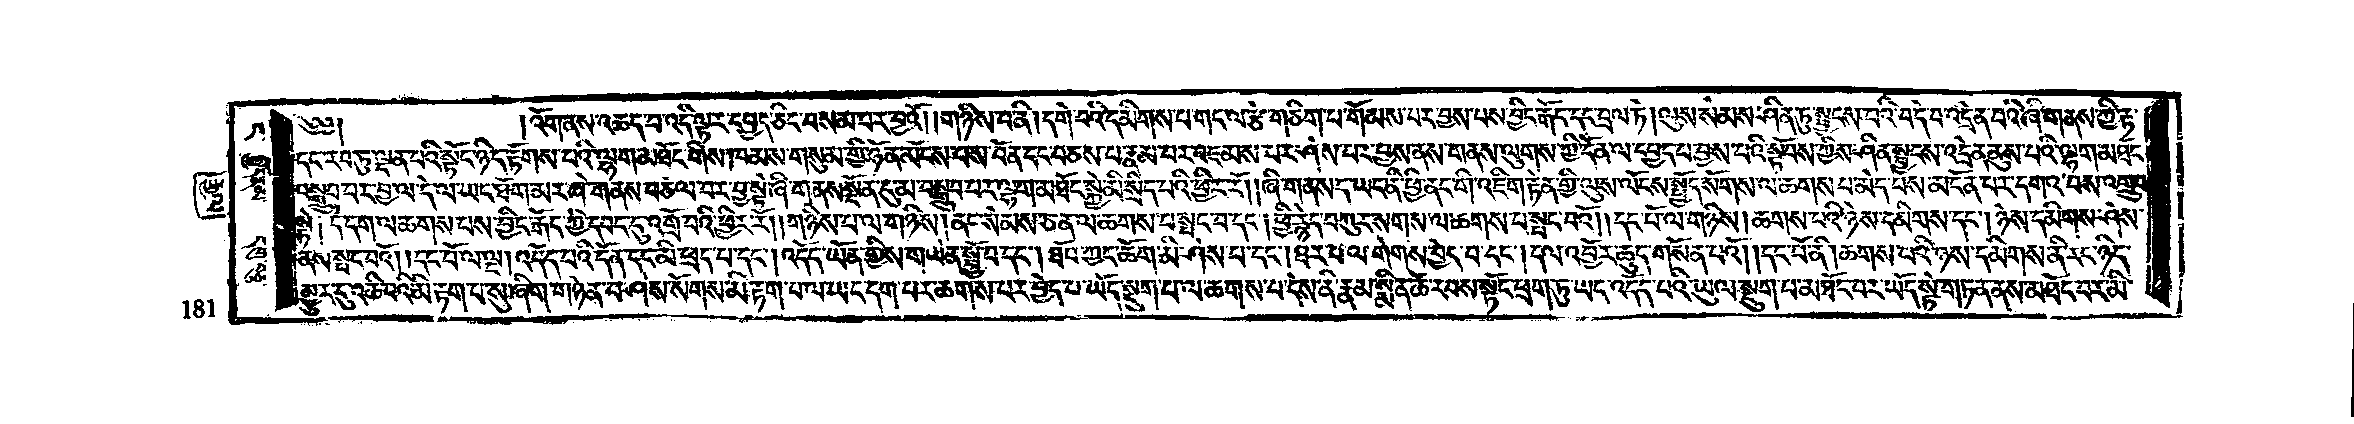༄༅། །འོག་ནས་འཆད་པ་འདི་ལྟར་དཔྱད་ཅིང་བསམ་པར་བྱའོ། །གཉིས་པ་ནི། དགེ་བའི་དམིགས་པ་གང་ལ་རྩེ་གཅིག་པ་གོམས་པར་བྱས་པས་བྱིང་རྒོད་དང་བྲལ་ཏེ། ལུས་སེམས་ཤིན་ཏུ་སྦྱངས་པའི་བདེ་བ་འདྲེན་པའི་ཞི་གནས་ཀྱི་རྟ་
དང་རབ་ཏུ་ལྡན་པའི་སྟོང་ཉིད་རྟོགས་པའི་ལྷག་མཐོང་གིས་ཁམས་གསུམ་གྱི་ཉོན་མོངས་པས་འོན་དང་བཅས་པ་རྣམ་པར་འཇམས་པར་ཤེས་པར་བྱས་ནས་གནས་ལུགས་ཀྱི་དོན་ལ་དཔྱད་པ་བྱས་པའི་སྟོབས་ཀྱིས་ཤིན་སྦྱངས་འདྲེན་ནུས་པའི་ལྷག་མཐོང་
བསྒྲུབ་པར་བྱ་ལ་དེ་ལ་ཡང་ཐོག་མར་ཞི་གནས་བཙལ་བར་བྱ་སྟེ་ཞི་གནས་སྔོན་དུ་མ་བསྒྲུབ་པར་ལྷག་མཐོང་སྐྱེ་མི་སྲིད་པའི་ཕྱིར་རོ། །ཞི་གནས་དེ་ཡང་ནི་ཕྱི་ནང་གི་འཇིག་རྟེན་གྱི་ལུས་ལོངས་སྤྱོད་སོགས་ལ་ཆགས་པ་མེད་པས་མངོན་པར་དགའ་བས་འགྲུབ་
སྟེ༑ དེ་དག་ལ་ཆགས་པས་བྱིང་རྒོད་ཀྱི་དབང་དུ་འགྲོ་བའི་ཕྱིར་རོ། །གཉིས་པ་ལ་གཉིས། ནང་སེམས་ཅན་ལ་ཆགས་པ་སྤང་བ་དང་། ཕྱི་རྙེད་པ་བཀུར་སེམས་ལ་ཆགས་པ་སྤང་བའོ། །དང་པོ་ལ་གཉིས། ཆགས་པའི་ཉེས་དམིགས་དང་། ཉེས་དམིགས་ཤེས་
ནས་སྤང་བའོ། །དང་པོ་ལ་ལྔ། འདོད་པའི་དོན་དང་མི་ཕྲད་པ་དང་། འདོད་ཡོན་གྱིས་གཡེན་སྦྱོ་བ་དང་། ཐོབ་ཀྱང་ཆོག་མི་ཤེས་པ་དང་། ཐར་པ་ལ་གེགས་བྱེད་པ་དང་། དལ་འབྱོར་ཆུད་གསོན་པའོ། །དང་པོ་ནི། ཆགས་པའི་ཉོས་དམིགས་ནི་རང་ཉིད་
མྱུར་དུ་འཆི་བའི་མི་རྟག་པ་སུ་ཞིག་གཉེན་པ་ཤེས་སོགས་མི་རྟག་པ་ལ་ཡང་དག་པར་ཆགས་པར་བྱེད་པ་ཡོད་སྡུག་པ་ལ་ཆགས་པ་དེས་ནི་རྣམ་སྨིན་ཚེ་རབས་སྟོང་ཕྲག་ཏུ་ཡང་འདོད་པའི་ཡུལ་སྡུག་པ་མཐོང་བར་ཡོད་སྟེ་གཏན་ནས་མཐོང་བར་མི་